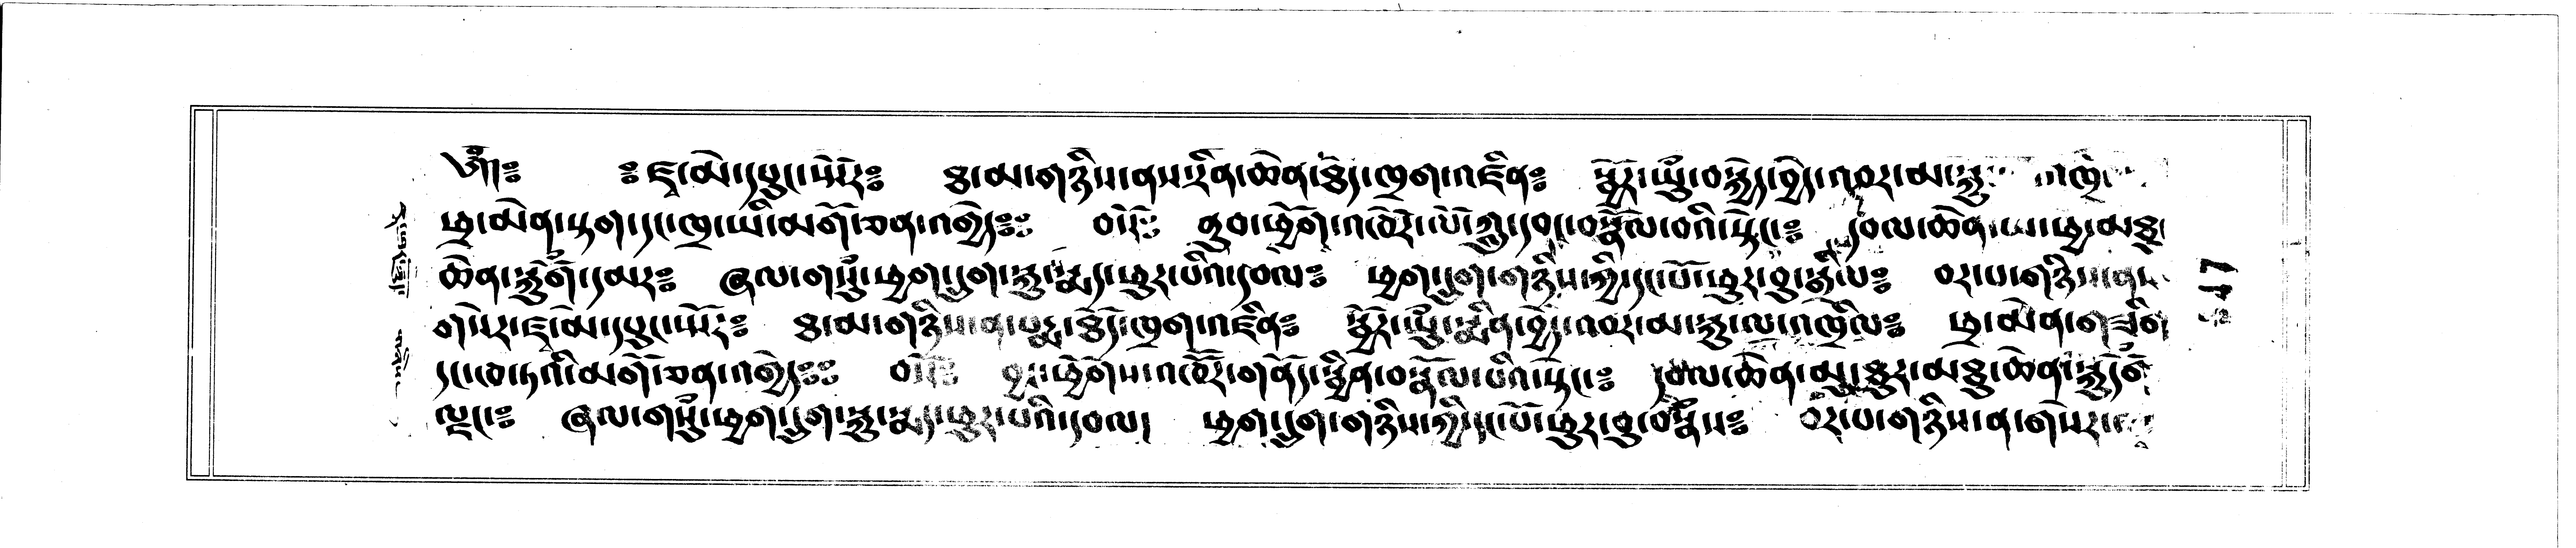ཛྭ་མེ་དཔུང་སྤར༔ ཐ་མ་གཉིས་ནས་རིན་ཆེན་ཐོད་ཁྲག་འཛིན༔ སྦྱོར་ཡུམ་སྐྱེད་བྱེད་འབར་མ་སྐུ་མདོག་འཁྲིལ༔ 
ཕྲ་མེན་སྟག་དང་ཁྲ་ཡི་མགོ་ཅན་འགྱེད༔ བསྭོ༔ ནུབ་ཕྱོགས་འཁོར་ལོ་ཀླུ་དབང་བསྣོལ་བའི་སྟེང་༔ དབལ་ཆེན་ཡ་ཕྱྭ་མཐུ་
ཆེན་སྐུ་མདོག་དམར༔ ཞལ་གསུམ་ཕྱག་དྲུག་སྐུ་སྨད་ཕུར་པའི་དབལ༔ ཕྱག་དྲུག་གཉིས་ཀྱི་དང་པོ་ཕུར་བུ་སྒྲིལ༔ བར་པ་གཉིས་ནས་
གསེར་ཛྭ་མེ་དཔུང་སྤར༔ ཐ་མ་གཉིས་ན་པདྨ་ཐོད་ཁྲག་འཛིན༔ སྦྱོར་ཡུམ་སྨིན་བྱེད་འབར་མ་སྐུ་ལ་འཁྲིལ༔ ཕྲ་མེན་གཟིག་
དང་ཁྭ་ཏའི་མགོ་ཅན་འགྱེད༔༔ བསྭོ༔ བྱང་ཕྱོགས་འཁོར་ལོ་གནོད་སྦྱིན་བསྣོལ་པའི་སྟེང་༔ དབལ་ཆེན་མུ་ཐུར་མཐུ་ཆེན་སྐུ་མདོག་
ལྗང་༔ ཞལ་གསུམ་ཕྱག་དྲུག་སྐུ་སྨད་ཕུར་པའི་དབལ༔ ཕྱག་དྲུག་གཉིས་ཀྱི་དང་པོ་ཕུར་བུ་བསྣམས༔ བར་པ་གཉིས་ན་གསེར་ཛྭ་